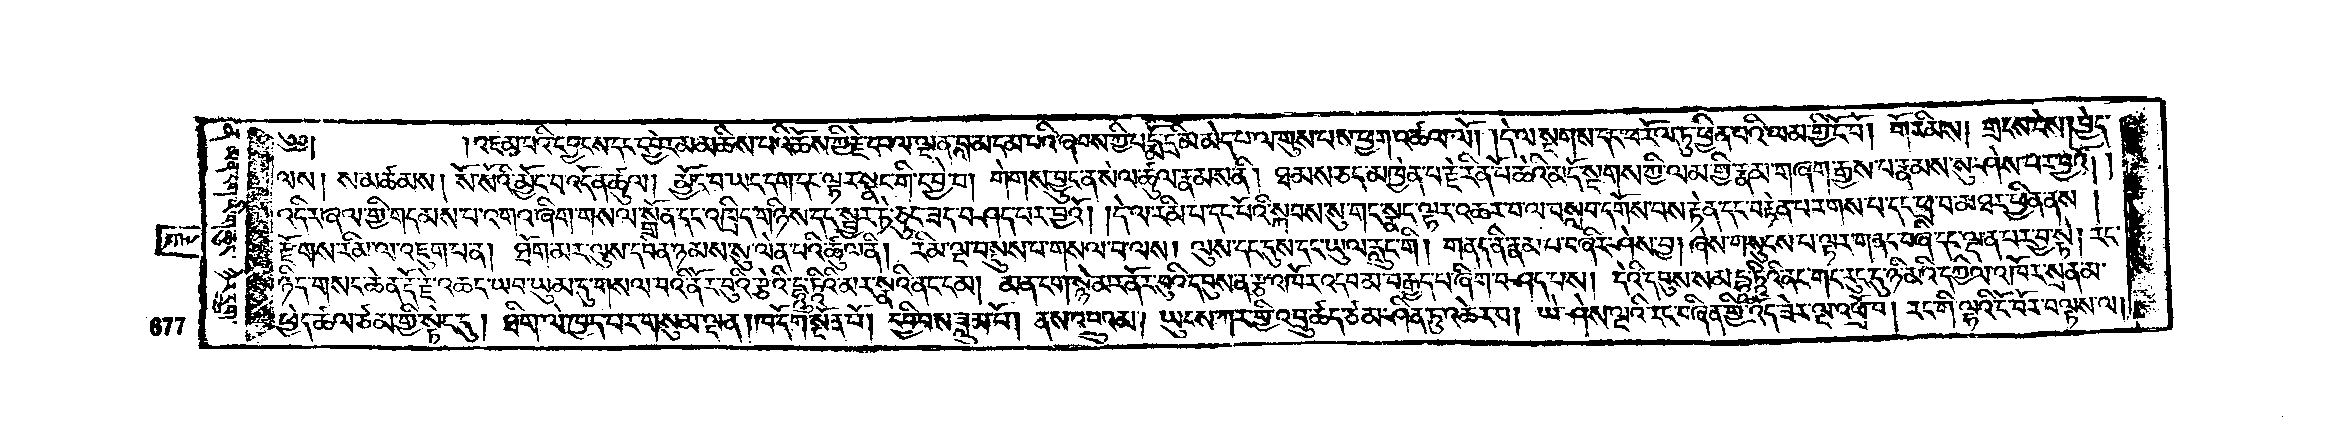༄༅། །འཇམ་པའི་དབྱངས་དང་དབྱེར་མ་མཆིས་པའི་ཆོས་ཀྱི་རྗེ་དཔལ་ལྡན་བླ་མ་དམ་པའི་ཞབས་ཀྱི་པདམོ་དྲི་མ་མེད་པ་ལ་གུས་པས་ཕྱག་འཚལ་ལོ། །དེ་ལ་སྔགས་དང་ཕ་རོལ་ཏུ་ཕྱིན་པའི་ལམ་གྱི་ངོ་བོ། གོ་རིམས། གྲངས་ངེས། བྱེད་
ལས། ས་མཚམས། སོ་སོའི་མྱོང་བ་འདོན་ཚུལ། མྱོང་བ་ཡང་དག་དང་ལྟར་སྣང་གི་དབྱེ་བ། གེགས་བྱུང་ན་སེལ་ཚུལ་རྣམས་ནི། ཐམས་ཅད་མཁྱེན་པ་རྗེ་རིན་པོ་ཆེའི་མདོ་སྔགས་ཀྱི་ལམ་གྱི་རྣམ་གཞག་རྒྱས་པ་རྣམས་སུ་ཤེས་པར་བྱའོ། །
འདིར་ཞལ་གྱི་གདམས་པ་འགའ་ཞིག་གསལ་སྒྲོན་དང་འཁྲིད་གཉིས་དང་སྦྱར་ཏེ་ཅུང་ཟད་བཤད་པར་བྱའོ། །དེ་ལ་རིམ་པ་དང་པོའི་སྐབས་སུ་གང་སྣང་ལྷར་འཆར་བ་ལ་བསླབ་དགོས་པས་རྟེན་དང་བརྟེན་པ་རགས་པ་དང་ཕྲ་བ་མཐར་ཕྱིན་ནས།
རྫོགས་རིམ་ལ་འཇུག་པ་ན། ཐོག་མར་ལུས་དབེན་ཉམས་སུ་ལེན་པའི་ཚུལ་ནི། རིམ་ལྔ་བསྡུས་པ་གསལ་བ་ལས། ལུས་དང་དུས་དང་ཡུལ་རླུང་གི །གནད་ནི་རྣམ་པ་བཞིར་ཤེས་བྱ། ཞེས་གསུངས་པ་ལྟར་གནད་བཞི་དང་ལྡན་པར་བྱ་སྟེ། རང་
ཉིད་གསང་ཆེན་རྡོ་རྗེ་འཆང་ཡབ་ཡུམ་དུ་གསལ་བའི་ནོར་བུའི་རྩེའི་དྷཱུ་ཏཱིའི་མར་སྣའི་ནང་ངམ། མན་ངག་སྙེ་མར་ནོར་བུའི་དབུས་ན་རྩ་འཁོར་འདབ་མ་བརྒྱད་པ་ཞིག་བཤད་པས། དེའི་དབུས་སམ་དྷཱུ་ཏཱིའི་ནང་གང་རུང་དུ་ཉི་མའི་དཀྱིལ་འཁོར་སྲན་མ་
ཕྱེད་ཚལ་ཙམ་གྱི་སྟེང་དུ། ཐིག་ལེ་ཁྱད་པར་གསུམ་ལྡན། ཁ་དོག་སྔོན་པོ། དབྱིབས་ཟླུམ་པོ། ནས་འབྲུའམ། ཡུངས་ཀར་གྱི་འབྲུ་ཚད་ཙམ་ཤིན་ཏུ་འཚེར་བ། ཡེ་ཤེས་ལྔའི་རང་བཞིན་གྱི་འོད་ཟེར་ལྔ་འཕྲོ་བ། རང་གི་ལྷའི་ངོ་བོར་བལྟས་ལ།